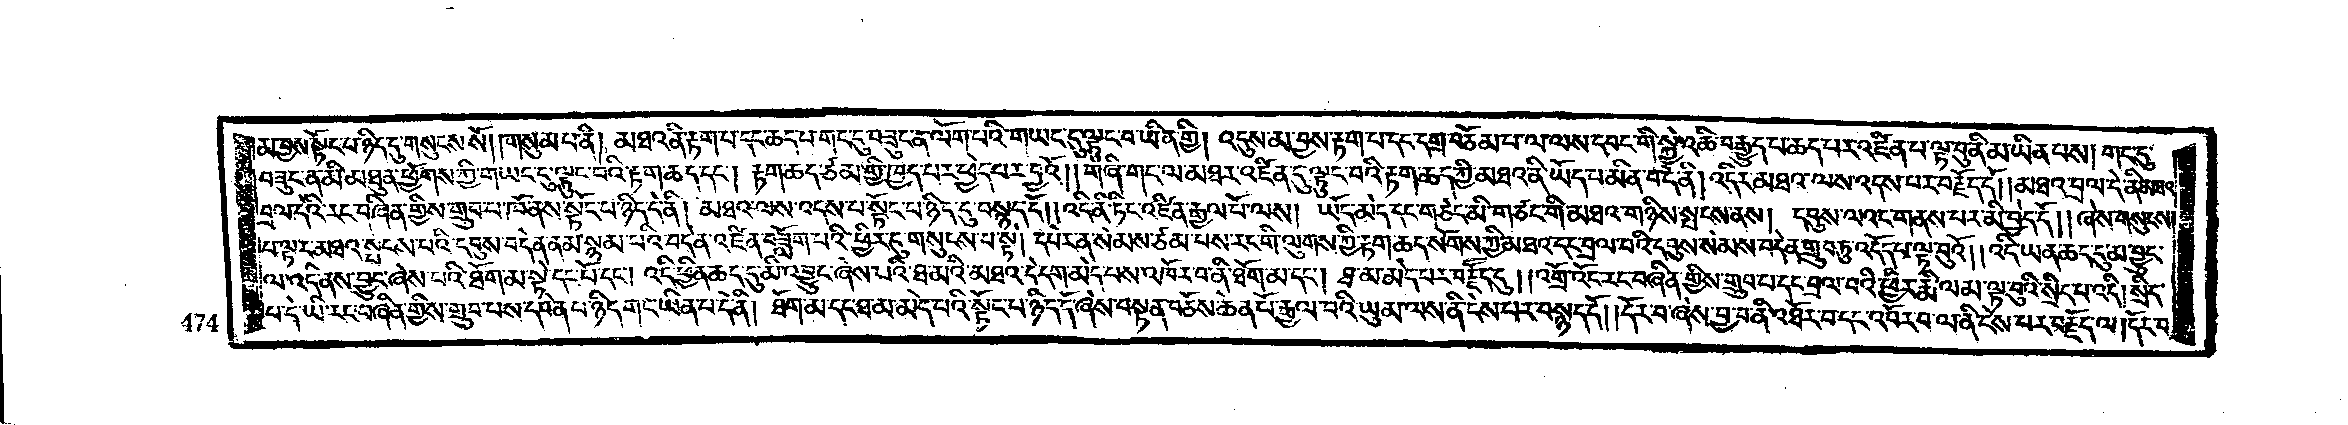མ་བྱས་སྟོང་པ་ཉིད་དུ་གསུངས་སོ། །གསུམ་པ་ནི། མཐའ་ནི་རྟག་པ་དང་ཆད་པ་གང་དུ་བཟུང་ན་ལོག་པའི་གཡང་དུ་ལྟུང་བ་ཡིན་གྱི། འདུས་མ་བྱས་རྟག་པ་དང་དགྲ་བཅོམ་པ་ལ་ལས་དབང་གི་སྐྱེ་འཆི་བརྒྱུད་པ་ཆད་པར་འཛིན་པ་ལྟ་བུ་ནི་མ་ཡིན་པས། གང་དུ་
བཟུང་ན་མི་མཐུན་ཕྱོགས་ཀྱི་གཡང་དུ་ལྟུང་བའི་རྟག་ཆད་དང་། རྟག་ཆད་ཙམ་གྱི་ཁྱད་པར་ཕྱེད་པར་བྱའོ། །གཞི་གང་ལ་མཐར་འཛིན་དུ་ལྟུང་བའི་རྟག་ཆད་ཀྱི་མཐའ་ནི་ཡོད་པ་མིན་པ་དེ་ནི། འདིར་མཐའ་ལས་འདས་པར་བརྗོད་དོ། །མཐའ་བྲལ་དེ་ནི་མཐའ་
བྲལ་དེའི་རང་བཞིན་གྱིས་གྲུབ་པ་ཁོ་ནས་སྟོང་པ་ཉིད་དེ་ནི། མཐའ་ལས་འདས་པ་སྟོང་པ་ཉིད་དུ་བསྙད་དོ། །འདི་ནི་ཏིང་འཛིན་རྒྱལ་པོ་ལས། ཡོད་མེད་དང་གཙང་མི་གཙང་གི་མཐའ་གཉིས་སྤངས་ནས། དབུས་ལའང་གནས་པར་མི་བྱེད་དོ། །ཞེས་གསུངས་
པ་ལྟར་མཐའ་སྤངས་པའི་དབུས་བདེན་ནམ་སྙམ་པའི་བདེན་འཛིན་བཟློག་པའི་ཕྱིར་དུ་གསུངས་པ་སྟེ། དཔེར་ན་སེམས་ཙམ་པས་རང་གི་ལུགས་ཀྱི་རྟག་ཆད་སོགས་ཀྱི་མཐའ་དང་བྲལ་བའི་དབུས་སེམས་བདེན་གྲུབ་ཏུ་འདོད་པ་ལྟ་བུའོ། །འདི་ཡན་ཆད་དུ་མ་བྱུང་
ལ་འདི་ནས་བྱུང་ཞེས་པའི་ཐོག་མ་སྟེ་དང་པོ་དང་། འདི་ཕྱིན་ཆད་དུ་མི་འབྱུང་ཞེས་པའི་ཐ་མའི་མཐའ་དེ་དག་མེད་པས་འཁོར་བ་ནི་ཐོག་མ་དང་། ཐ་མ་མེད་པར་བརྗོད་དོ། །འགྲོ་འོང་རང་བཞིན་གྱིས་གྲུབ་པ་དང་བྲལ་བའི་ཕྱིར་རྨི་ལམ་ལྟ་བུའི་སྲིད་པ་འདི། སྲིད་
པ་དེ་ཡི་རང་བཞིན་གྱིས་གྲུབ་པས་དབེན་པ་ཉིད་གང་ཡིན་པ་དེ་ནི། ཐོག་མ་དང་ཐ་མ་མེད་པའི་སྟོང་པ་ཉིད་དོ་ཞེས་བསྟན་བཅོས་ཆེན་པོ་རྒྱལ་བའི་ཡུམ་ལས་ནི་ངེས་པར་བསྙད་དོ། །དོར་བ་ཞེས་བྱ་བ་ནི་འཐོར་བ་དང་འབོར་བ་ལ་ནི་ངེས་པར་བརྗོད་ལ། དོར་བ་